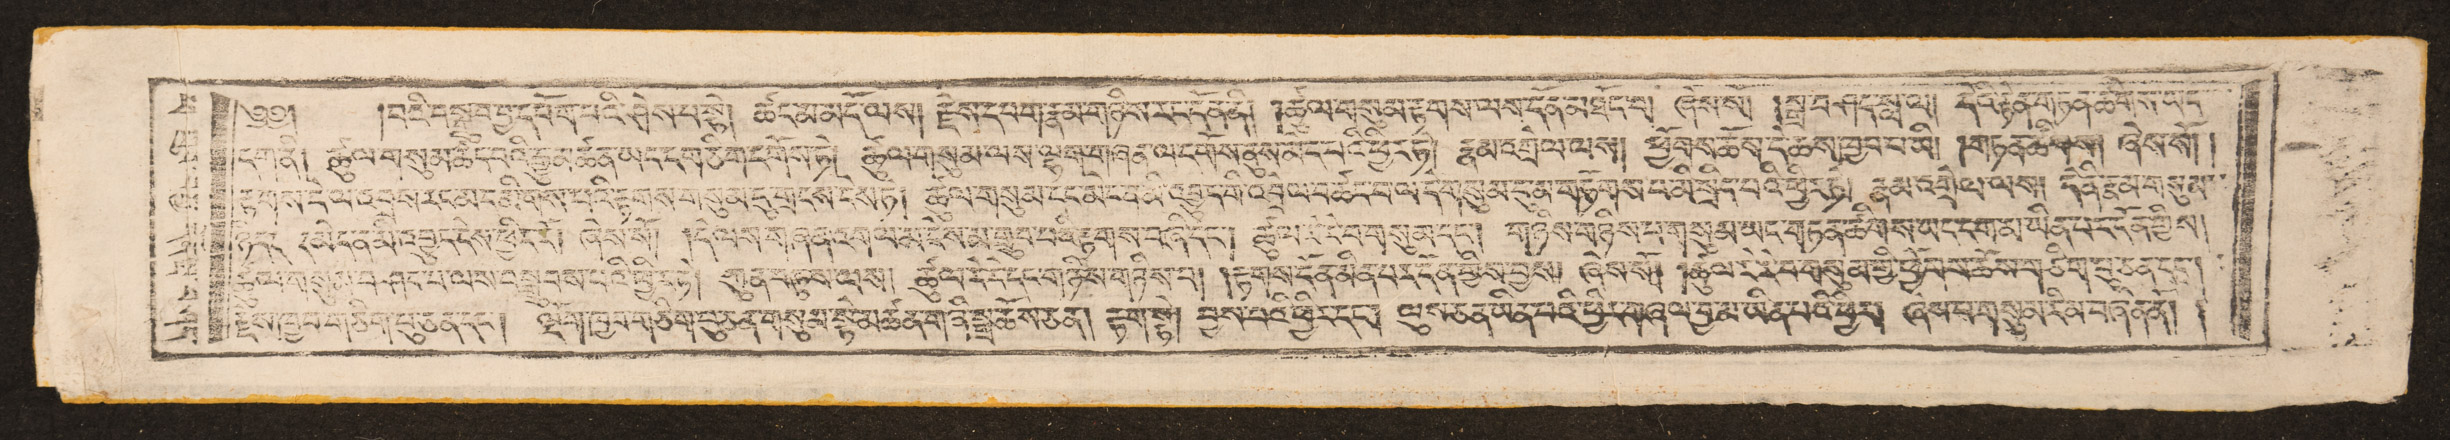༄༅། །བའི་བསྒྲུབ་བྱ་དཔོག་པའི་ཤེས་པ་སྟེ། ཚང་མ་མདོ་ལས། རྗེས་དཔག་རྣམ་གཉིས་རང་དོན་ནི། །ཚུལ་གསུམ་རྟགས་ལས་དོན་མཐོང་བ། ཞེས་སོ། །སྒྲ་བཤད་སླ་ལ། དེའི་རྟེན་གཏན་ཚིགས་ཡང་
དག་ནི། ཚུལ་གསུམ་ཚད་བའི་རྒྱུ་མཚན་ཡང་དག་ཅིག་དགོས་ཏེ། ཚུལ་གསུམ་ལས་ལྷག་གཞན་ལ་དགོས་ནུས་མེད་པའི་ཕྱིར་ཏེ། རྣམ་འགྲེལ་ལས། ཕྱོགས་ཆོས་དེ་ཆ་ས་ཁྱབ་པ་ཡི། །གཏན་ཚིགས། ཞེས་སོ། །
རྟགས་དེ་ལ་འབྲས་རང་མ་དམིགས་པའི་རྟགས་གསུམ་དུ་གྲངས་ངེས་ཏེ། ཚུལ་གསུམ་དང་མེད་ན་མི་འབྱུང་གི་འབྲེལ་བ་ཚང་བ་ལ་དེ་གསུམ་དུ་མ་གཏོགས་པ་མི་སྲིད་པའི་ཕྱིར་ཏེ། རྣམ་འགྲེལ་ལས། དེ་ནི་རྣམ་གསུམ་
ཉིད༑ ༑མི་ངན་མི་འབྱུང་ངེས་ཕྱིར་རོ། ཞེས་སོ། །དེ་ལས་གཞན་འགལ་མ་ངེས་མ་གྲུབ་པའི་རྟགས་བཞི་དང་། ཚུལ་རེ་རེ་བ་གསུམ་དང་། གཉིས་གཉིས་པ་གསུམ་ཡང་གཏན་ཚིགས་ཡང་དག་མ་ཡིན་པར་དོན་གྱིས།
ཧུལ་གསུམ་བཤད་པ་ལས་བསྒྲུབས་པའི་ཕྱིར་ཏེ། ཀུན་བཏུས་ལས། ཚུལ་རེ་རེ་དང་གཉིས་གཉིས་པ། །རྟགས་དོན་མིན་པར་དོན་གྱིས་བྱས། ཞེས་སོ། །ཚུལ་རེ་རེ་བ་གསུམ་གྱི་ཕྱོགས་ཆོས་གཅིག་བུ་ཅན་དང་།
རྗེས་ཁྱབ་གཅིག་པུ་ཅན་དང་། ལྡོག་ཁྱབ་གཅིག་པུ་ཅན་གསུམ་སྟེ་མཚན་གཞི་སྒྲ་ཆོས་ཅན། རྟག་སྟེ། བྱས་པའི་ཕྱིར་དང་། ལུས་ཅན་ཡིན་པའི་ཕྱིར་གཞལ་བྱ་མ་ཡིན་པའི་ཕྱིར། ཞེས་པ་གསུམ་རིམ་བཞིན་ནོ།